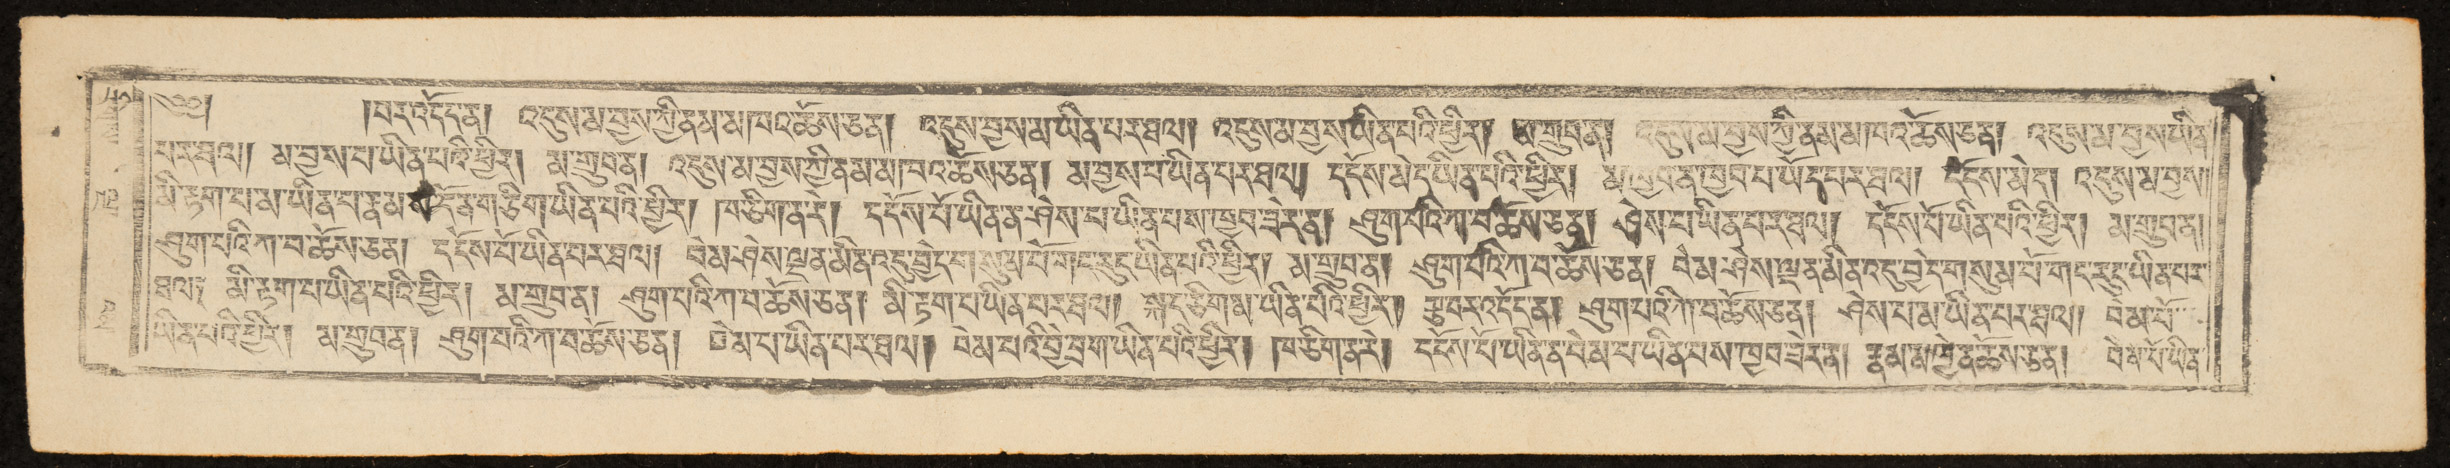༄༅། །བར་འདོད་ན། འདུས་མ་བྱས་ཀྱི་ནམ་མཁའ་ཆོས་ཅན། འདུས་བྱས་མ་ཡིན་པར་ཐལ། འདུས་མ་བྱས་ཡིན་པའི་ཕྱིར། མ་གྲུབ་ན། འདུས་མ་བྱས་ཀྱི་ནམ་མཁའ་ཆོས་ཅན། འདུས་མ་བྱས་ཡིན་
པར་ཐལ། མ་བྱས་པ་ཡིན་པའི་ཕྱིར། མ་གྲུབ་ན། འདུས་མ་བྱས་ཀྱི་ནམ་མཁའ་ཆོས་ཅན། མ་བྱས་པ་ཡིན་པར་ཐལ། དངོས་མེད་ཡིན་པའི་ཕྱིར། མ་ཁྱབ་ན་ཁྱབ་པ་ཡོད་པར་ཐལ། དངོས་མེད། འདུས་མ་བྱས།
མི་རྟག་པ་མ་ཡིན་པ་རྣམས་དོན་གཅིག་ཡིན་པའི་ཕྱིར། ཁ་ཅིག་ན་རེ། དངོས་པོ་ཡིན་ན་ཤེས་པ་ཡིན་པས་ཁྱབ་ཟེར་ན། ཤུག་པའི་ཀ་བ་ཆོས་ཅན། ཤེས་པ་ཡིན་པར་ཐལ། དངོས་པོ་ཡིན་པའི་ཕྱིར། མ་གྲུབ་ན།
ཤུག་པའི་ཀ་བ་ཆོས་ཅན། དངོས་པོ་ཡིན་པར་ཐལ། བེམ་ཤེས་ལྡན་མིན་འདུ་བྱེད་གསུམ་པོ་གང་རུང་ཡིན་པའི་ཕྱིར། མ་གྲུབ་ན། ཤུག་པའི་ཀ་བ་ཆོས་ཅན། བེམ་ཤེས་ལྡན་མིན་འདུ་བྱེད་གསུམ་པོ་གང་རུང་ཡིན་པར་
ཐལ། མི་རྟག་པ་ཡིན་པའི་ཕྱིར། མ་གྲུབ་ན། ཤུག་ཀ་བ་ཆོས་ཅན། མི་རྟག་པ་ཡིན་པར་ཐལ། སྐད་ཅིག་མ་ཡིན་པའི་ཕྱིར། རྩ་བར་འདོད་ན། ཤུག་པའི་ཀ་བ་ཆོས་ཅན། ཤེས་པ་མ་ཡིན་པར་ཐལ། བེམ་པོ་
ཡིན་པའི་ཕྱིར། མ་གྲུབ་ན། ཤུག་པའི་ཀ་བ་ཆོས་ཅན། བེམ་པོ་ཡིན་པར་ཐལ། བེམ་པོའི་བྱེ་བྲག་ཡིན་པའི་ཕྱིར། ཁ་ཅིག་ན་རེ། དངོས་པོ་ཡིན་ན་བེམ་པོ་ཡིན་པས་ཁྱབ་ཟེར་ན། རྣམ་མཁྱེན་ཆོས་ཅན། བེམ་པོ་ཡིན་